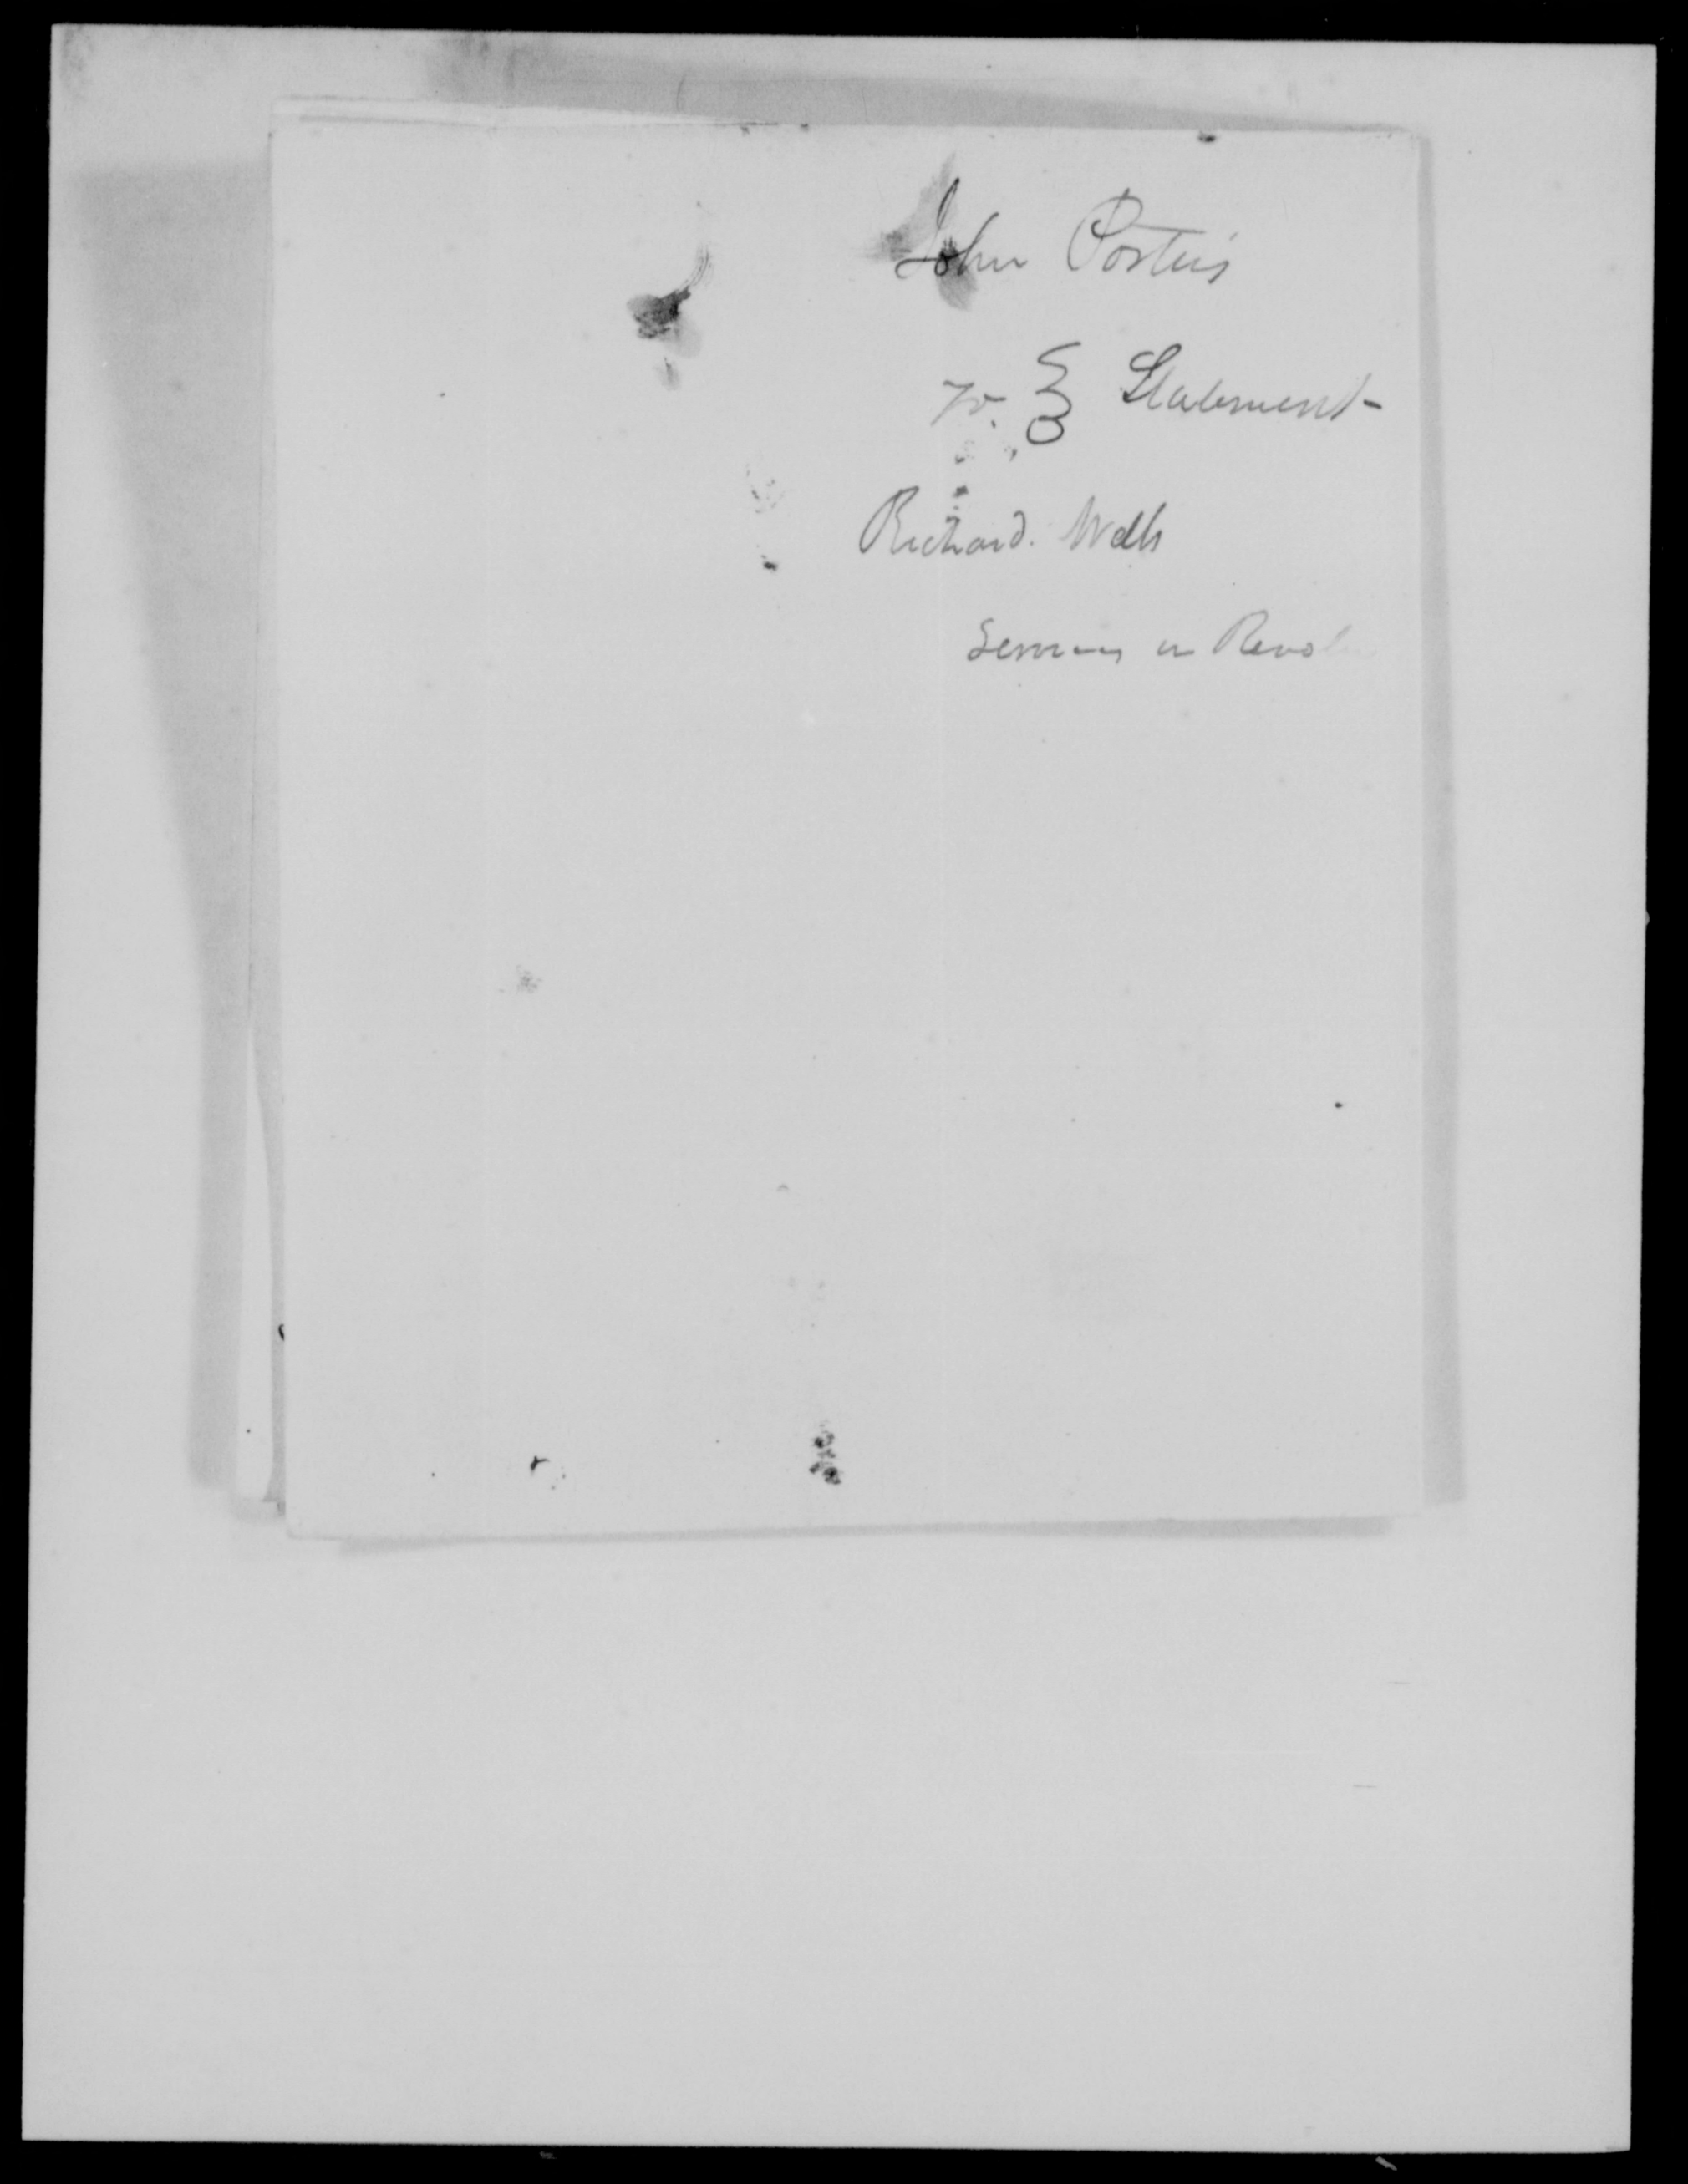John Porter
. Statement
2
Richard Wells
Service in Revol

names: Richard Wells, John Porter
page: 6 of 100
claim: widow's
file: W. 6437, Richard Wells, Ga Va.